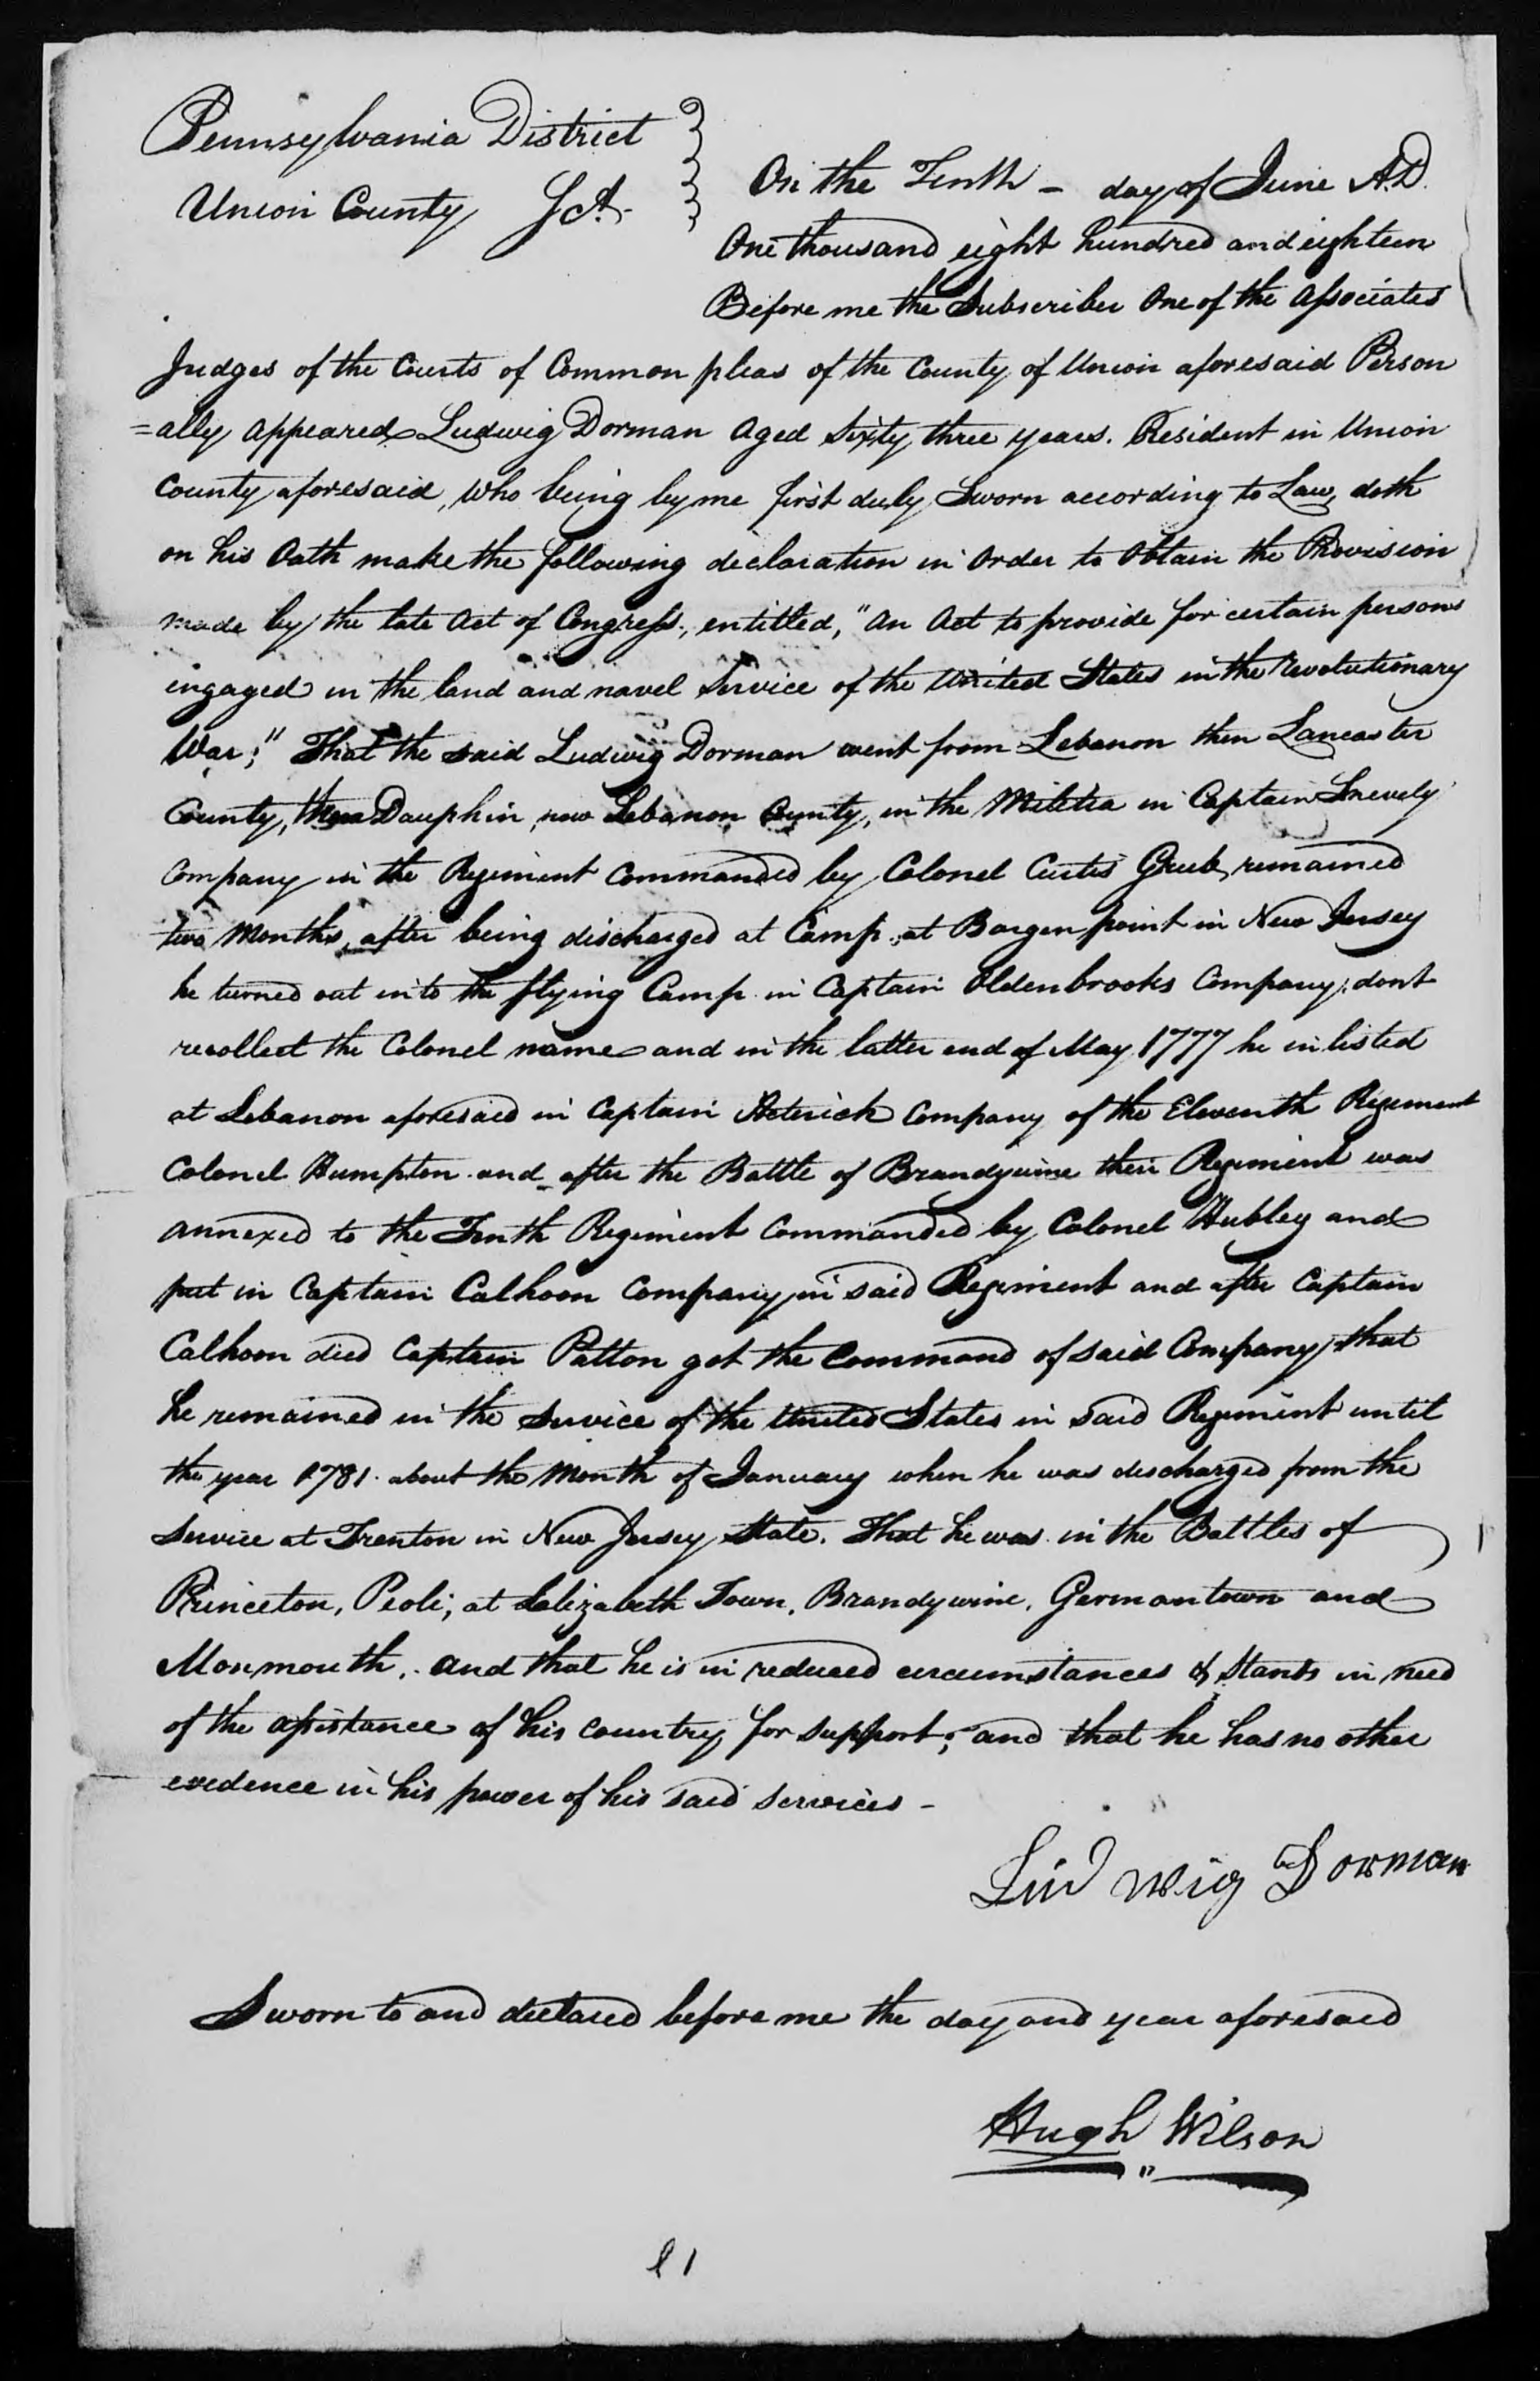Pennsylvania District       
Union County Sct.}         
On the tenth day of June AD One thousand eight hundred and eighteen Before me the Subscriber one of the associates Judges of the Courts of Common Pleas of the County of Union aforesaid Personally appeared Ludwig Dorman aged sixty three years. Resident in Union County aforesaid, who being by me first duly Sworn according to Law doth on his Oath make the following declaration in order to obtain the Provisions made by the late Act of Congress, entitled, "An Act to provide for certain persons engaged in the land and naval Service of the United States in the Revolutionary War," That the said Ludwig Dorman went from Lebanon then Lancaster County, then Dauphin, near Lebanon County, in the Militia in Captain Snevely company in the regiment commanded by Colonel Curtis Grub, remained two months after being discharged at Camp, at Bergen Point in New Jersey he turned out into the flying Camp in Captain Oldenbrooks Company,  dont recollect the Colonel names and in the latter end of May 1777 he enlisted at Lebanon aforesaid in Captain Hederick Company of the Eleventh Regiment Colonel Humpton and after the Battle of Brandywine their Regiment was annexed to the Tenth Regiment Commanded by Colonel Hubley and put in Captain Calhoun Company in said Regiment and after the Captain Calhoun died Captain Patton got the command of said Company that he remained in the Service of the United States in said Regiment until the year 1781 about the month of January when he was discharged from the Service at Trenton in New Jersey State. That he was in the Battles of Princeton, Paoli, at Elizabeth Town, Brandywine, Germantown and Monmouth. and that he is in reduced circumstances & stands in need of the assistance of his country for support, and that he has no other evidence in his power of his said services -         
Ludwig Dorman            
Sworn to and declared before me the day and year aforesaid          
Hugh Wilson 
l 1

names: Ludwig Dorman, Humpton, Ludwig Dorman, Ludwig Dorman, Hugh Wilson, Calhoon, Curtis Grub, Hubley, Patton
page: 3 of 16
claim: survivor's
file: S. 42,175, Ludwig Dorman, Penn.